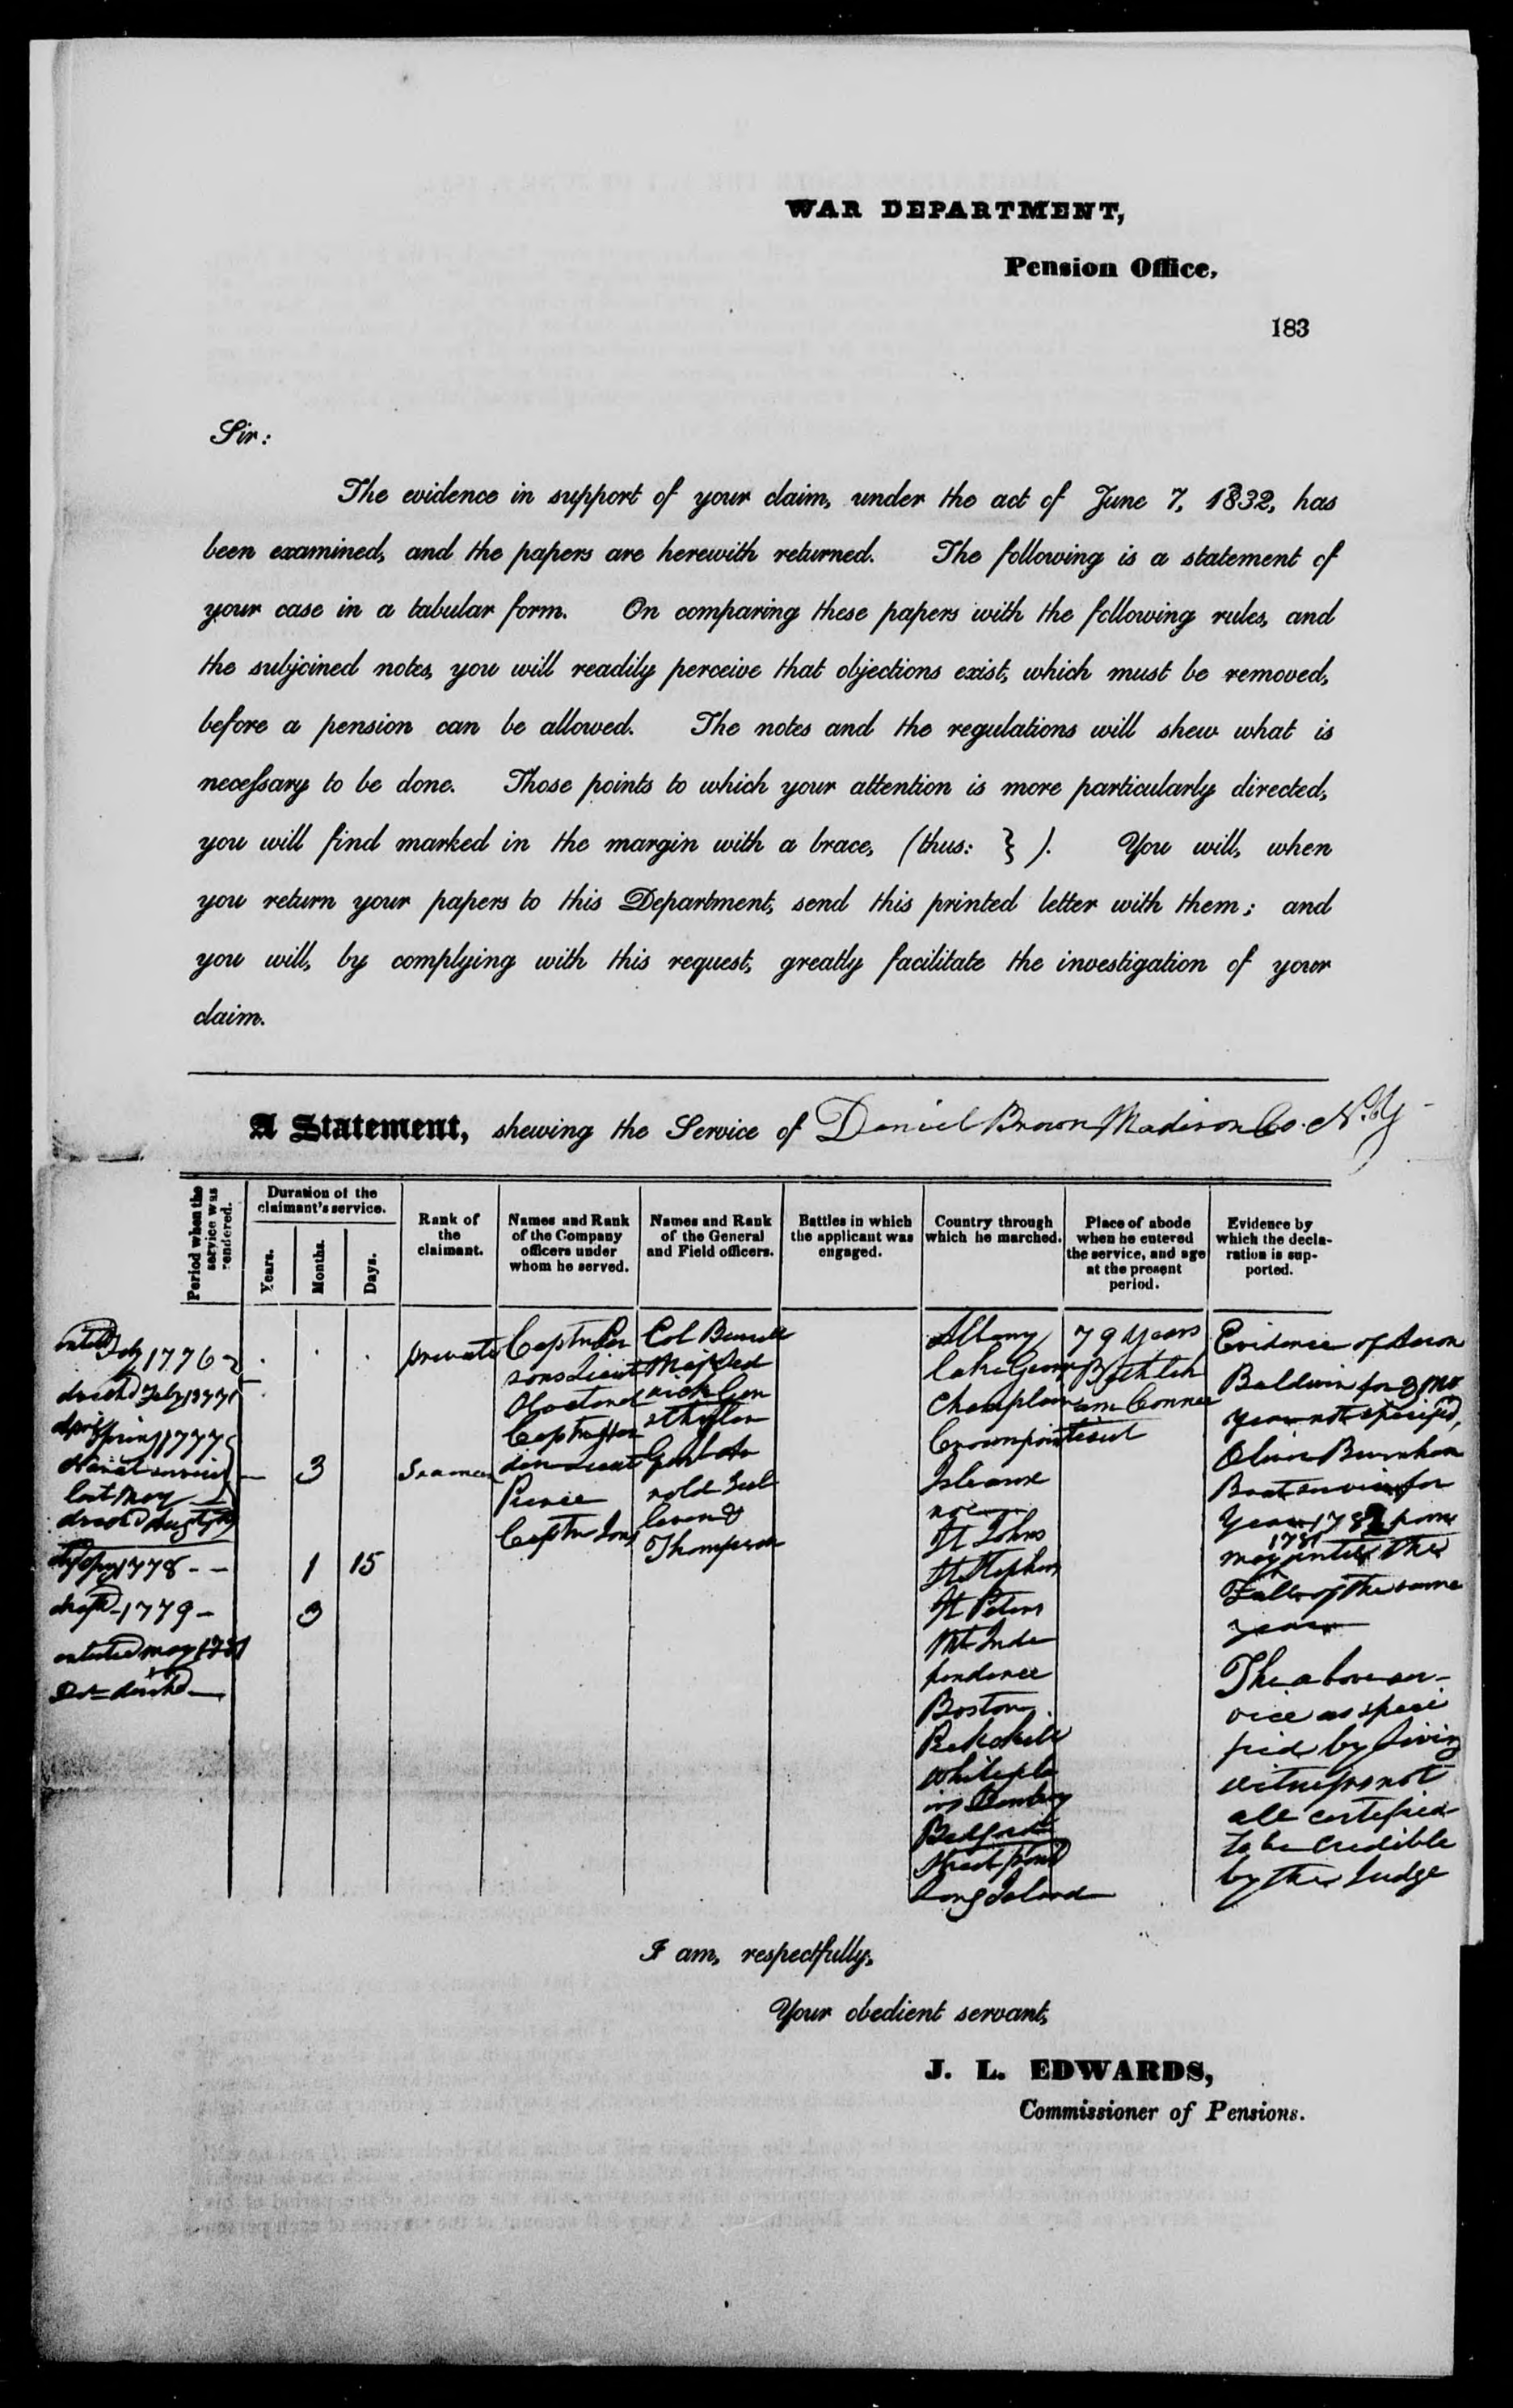WAR DEPARTMENT
Pension Office
183
Sir:
The evidence in support of your claim, under the act of June 7, 1832, has been examined, and the papers are herewith returned. The following is a statement of your case in a tabular form. On comparing these papers with the following rules, and the subjoined notes, you will readily perceive that objections exist, which must be removed, before a pension can be allowed. The notes and the regulations will show what is necessary to be done. Those points to which your attention is more particularly directed, you will find marked in the margin with a brace, (thus: } ). You will, when you return your papers to this department, send this printed letter with them; and you will, by complying with this request, greatly facilitate the investigation of your claim.

A Statement, showing the Service of Daniel Brown Madison Co. N.Y.

Period when the service was rendered.
enlisted Feby 1776 
Dischd Feby 1777
(illegible)spring 1777
(illegible) 
disch'd Aug 77
(illegible) 1778
(illegible) 1779
enlisted May 1781
(illegible)

Duration of the claimant's service.
Years.
Months.
3
1
3
Days.
15

Rank of the claimant.
Private
Seaman

Names and Rank of the Company officer under whom he served.
Captn. Parsons Lieut. Hostens, Capt. (illegible) Lieut. Pierce
Captn (illegible)

Names and Rank of the General and Field officers.
Col. (illegible)
Maj. (illegible) Ten (illegible) Gen. Arnold (illegible)
Thompson

Country through which he marched.
Albany 
Lake George
Champlain
Connecticut
Island
(illegible)
St. Johns
St. Stephens
St. Peters
Mt. Independence
Boston
Peekskill
Whiteplains
(illegible)
Bedford
Stratford
Long Island

Place of abode when he entered the service, and age at the present period.
79 years Bethleham Connecticut

Evidence by which the declaration is supported.
Evidence of Aaron Baldwin for (illegible) years  (illegible)
Oliver Burnham (illegible) for years 1782 from May 1781 entered the Fall of the same year.
The above service as specified by living witness not all certified to be credible by the judge.

I am, respectfully,
Your obedient servant,
J.L. Edwards,
Commissioner of Pensions.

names: J L Edwards, Burrell, Crom, Thompson, Peirce, Parsons, Daniel Brown, Sedwick, Arnold, Oliver Burnham, Schyler, Baldwin, Jones, Hooton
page: 17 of 37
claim: widow's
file: W. 20,787, Daniel Brown, Conn. Navy.